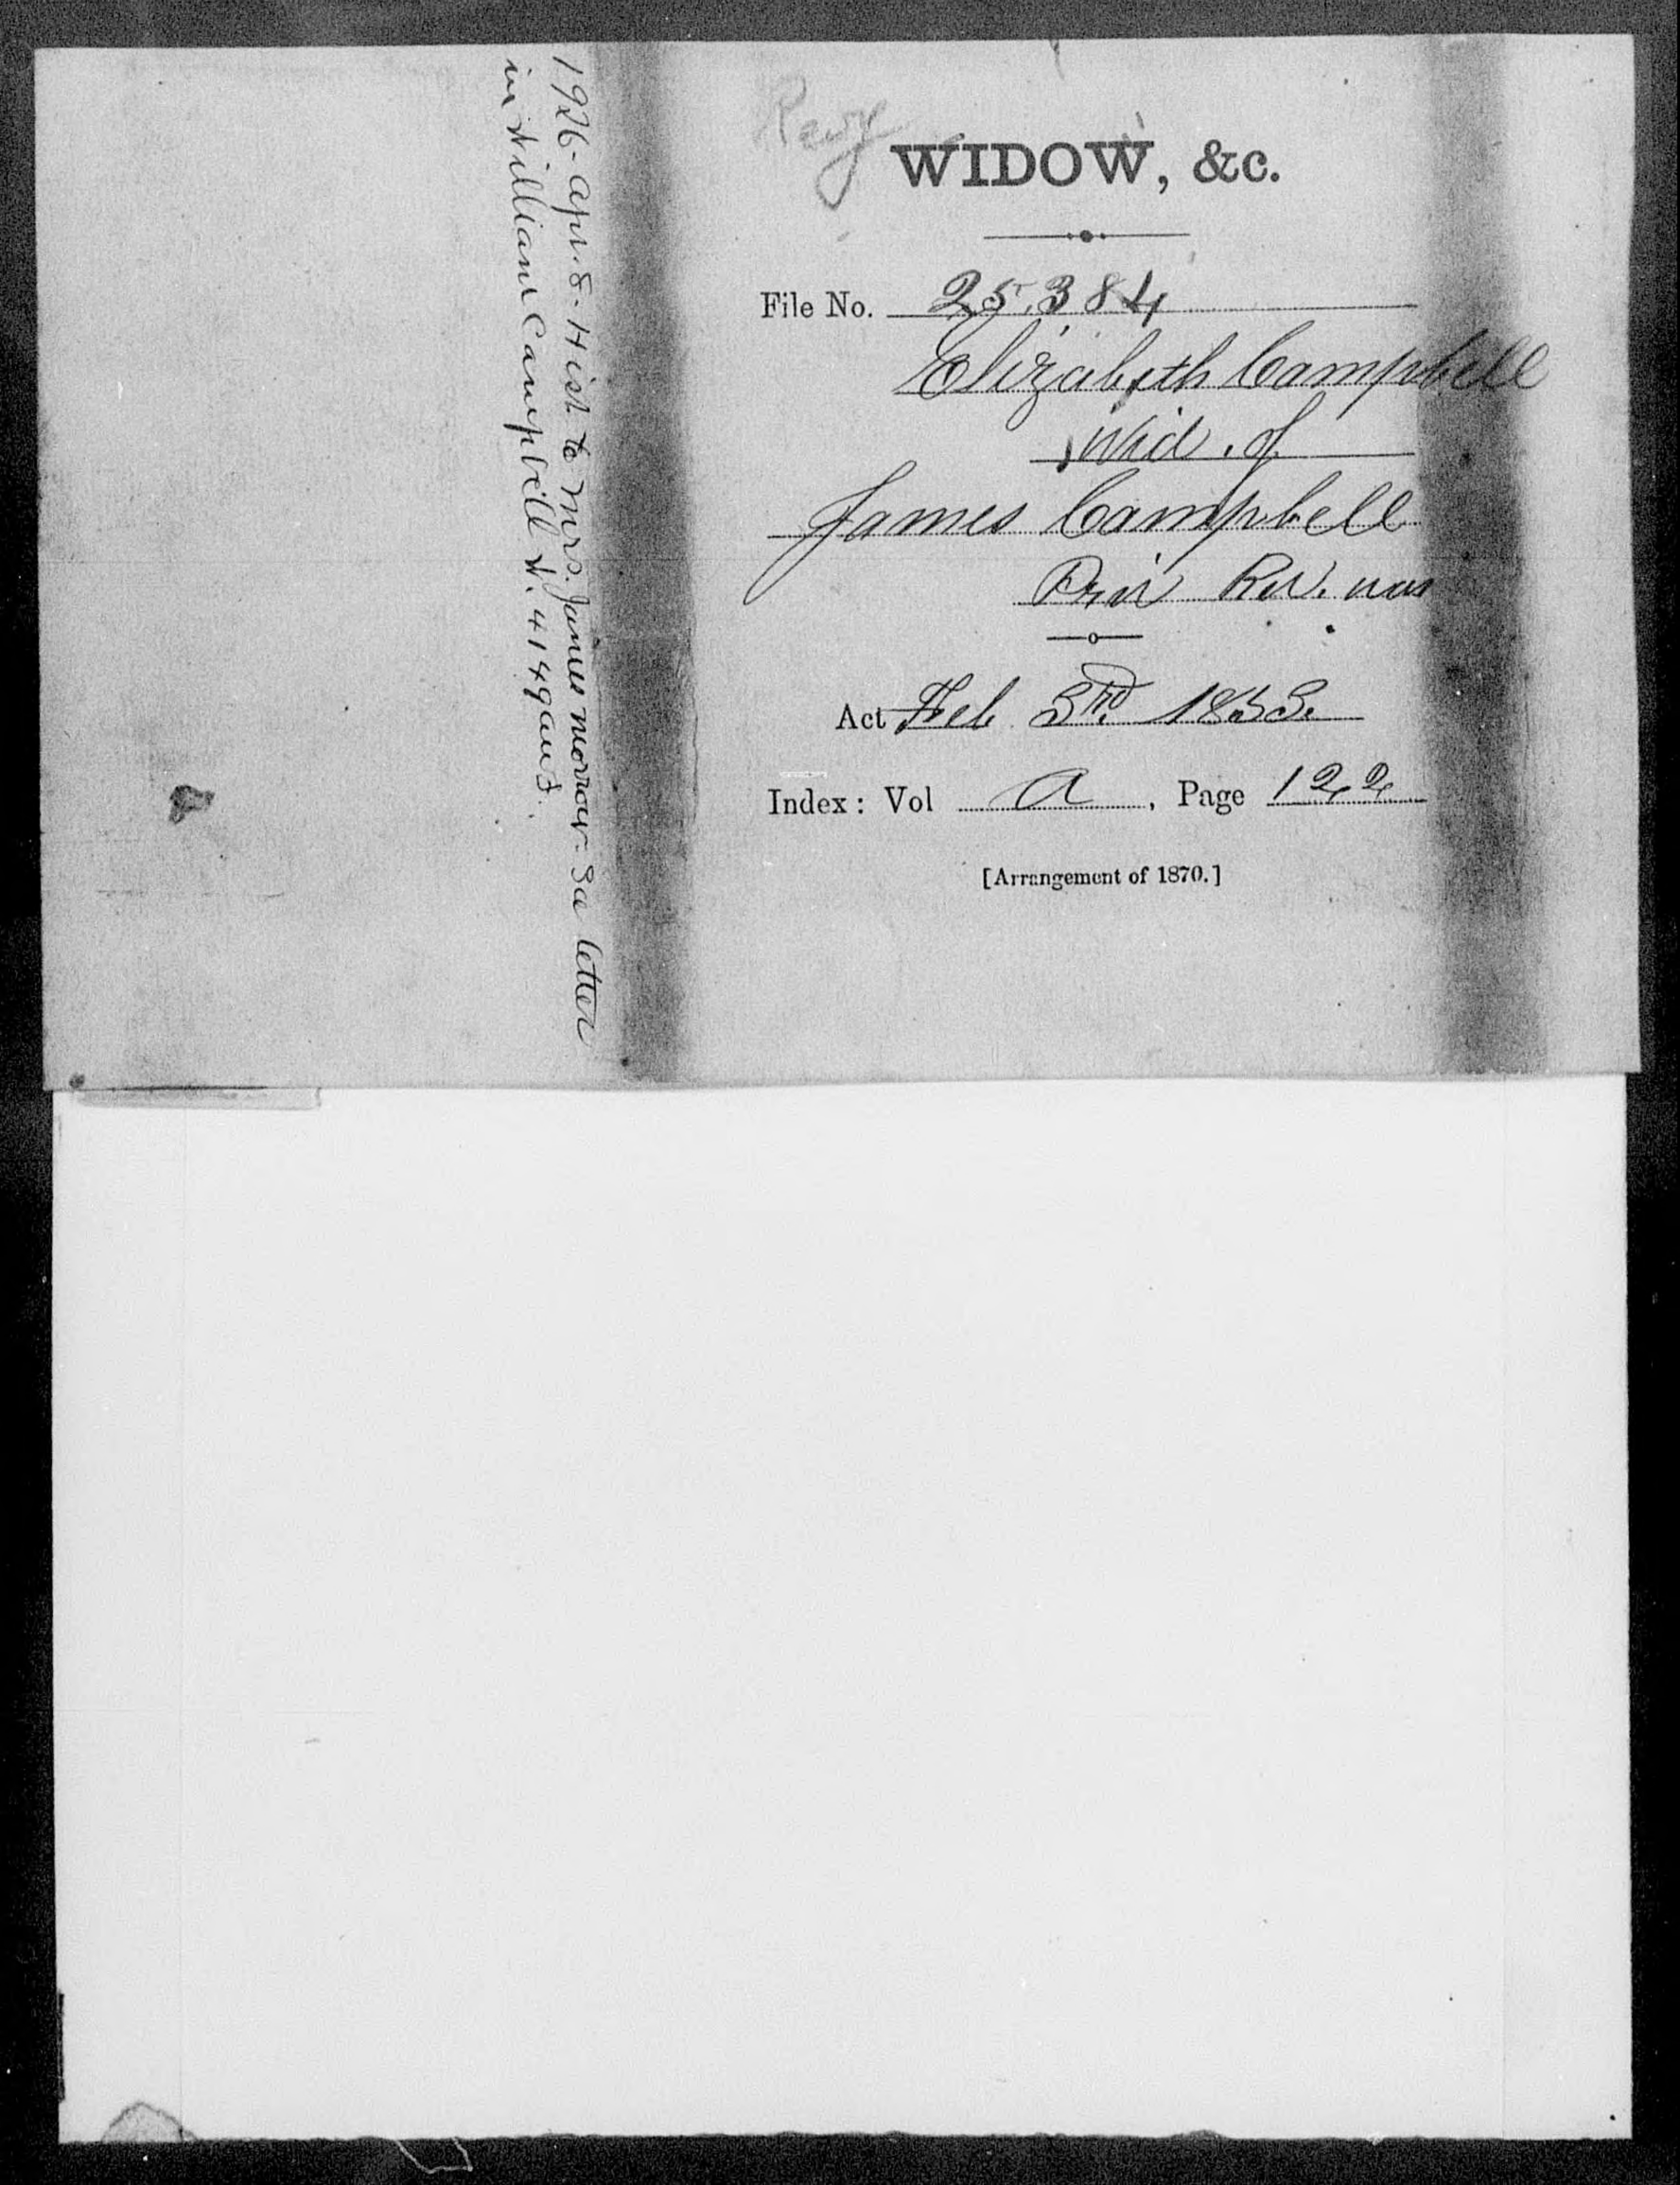1926 - Apr. 8- Hist to Mrs. James Morrow - see letter in William Campbell W. 4149 AWF
Revy   WIDOW, &c.
File No. 25,384
Elizabeth Campbell
Wid. of James Campbell
Pri Rev. war
Act Feb 3rd, 1853
Index: vol A, Page 122
[Arrangement of 1870.]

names: James Campbell, William Campbell, Elizabeth Campbell, James Morrow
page: 22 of 47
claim: widow's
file: W. 25384, James Campbell, Va.